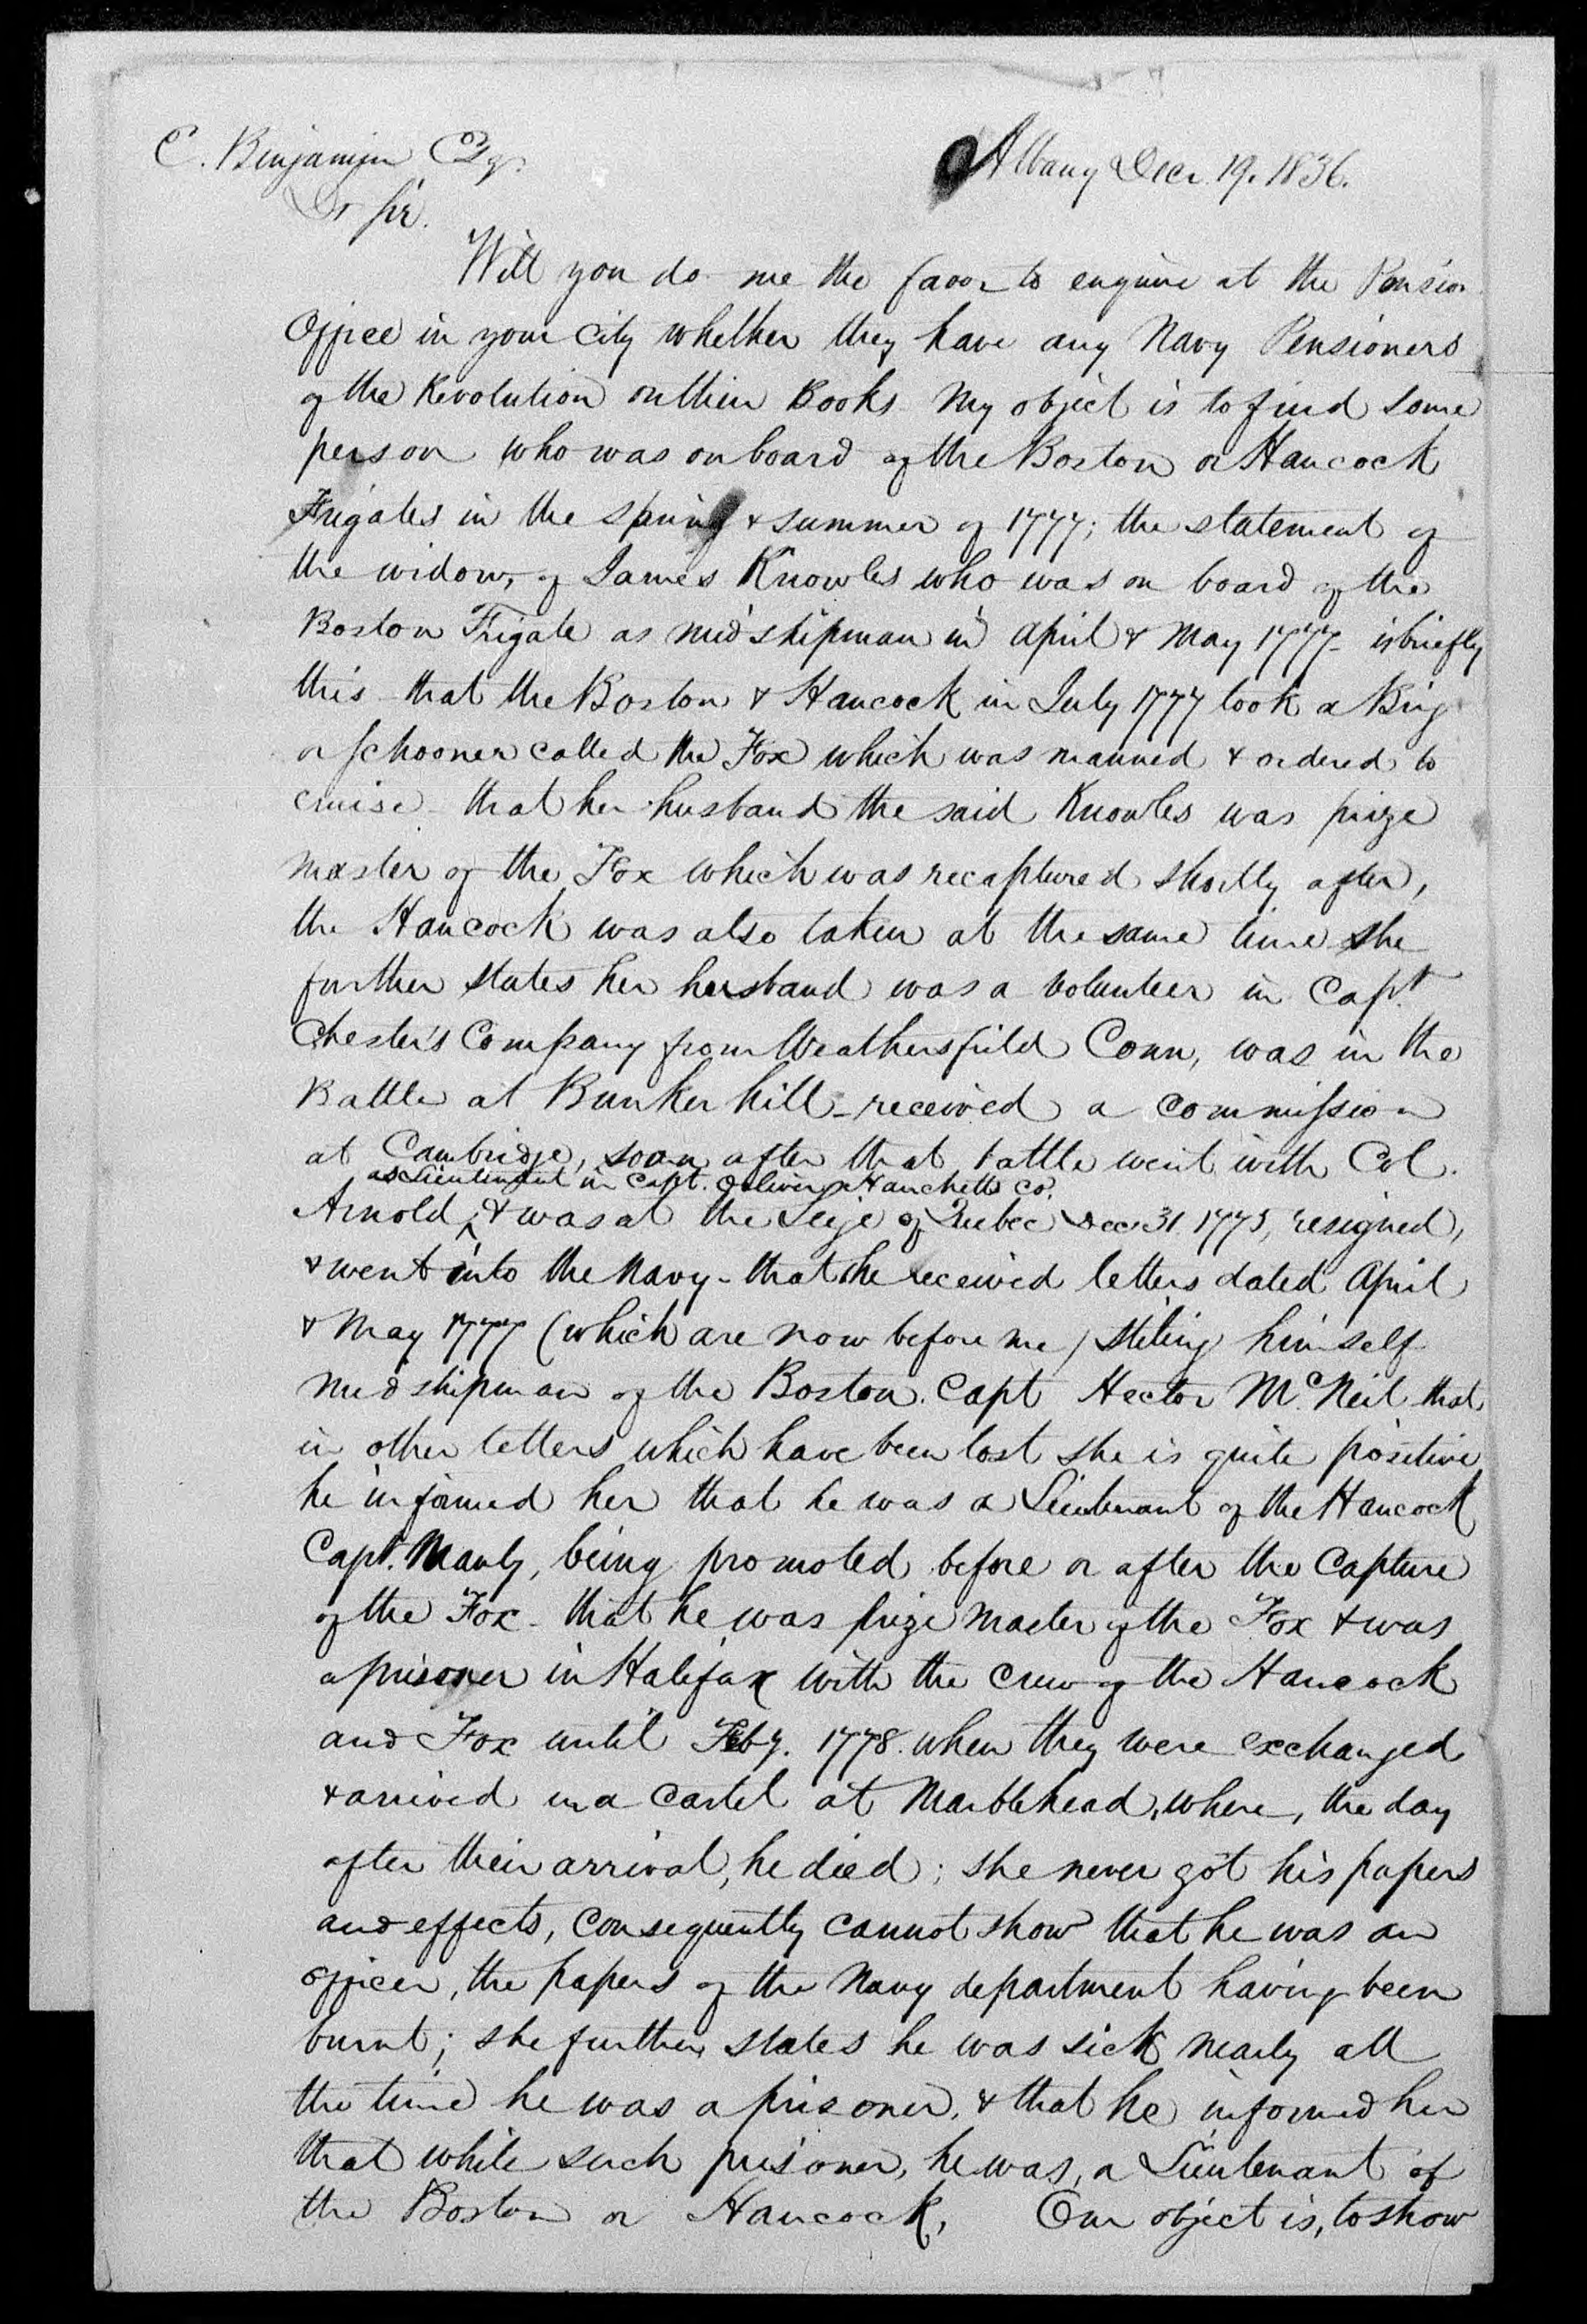Albany Dec. 19, 1836.
E. Benjamin Esq.
Dr Fr.
Will you do me the favor to enquire at the Pension Office in hour city whether they have any Navy Pensioners of the Revolution on their Books. My object is to find some person who was on board of the Boston or Hancock Frigates in the spring & summer of 1777; the statement of the widow, of James Knowles who was on board of the Boston Frigate as midshipman in April & May 1777 is briefly this that the Boston & Hancock in July 1777 to a Brig or Schooner called the Fox which was manned & ordered to cruise--that her husband the said Knowles was prize master of the Fox which was recaptured shortly after the Hancock was also taken at the same time  She further states her husband was a volunteer in Capt. Chester's Company from Weathersfield Conn, was in the Battle at Bunker hill--received  a commission at Cambridge, soon after that battle went with Col. Arnold as Lieutenant in Capt. Oliver Hanchetts Co. & was at the Siege of Quebec 
Dec 31, 1775, resigned, & went into the Navy--that he received letters dated April  & May 1777 (which are now before me) Steleing himself midshipman of the Boston. Capt. Hector McNeil that in other letters which have been lost She is quite positive he informed her that he was a Lieutenant of the Hancock Capt. Manly, being promoted before or after the Capture of the Fox--that he was prize master of the Fox & was prisoner in Halifax with the crew of the Hancock and Fox until Feby. 1778 when they were exchanged & arrived in a cartel at Marblehead, where, the day after their arrival, he died; she never got his papers and effects, consequently cannot show that he was an officer, the papers of the Navy department having been burnt; she further states he was sick nearly all the time he was a prisoner, & that he informed her that while such prisoner, he was, a Lieutenant of the Boston or Hancock, Our object is, to show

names: [BLANK] Arnold; Hector Mc Neil; [BLANK] Manly; James Knowles; E Benjamin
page: 28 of 60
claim: widow's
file: W. 14,036, for James Knowles, Connecticut